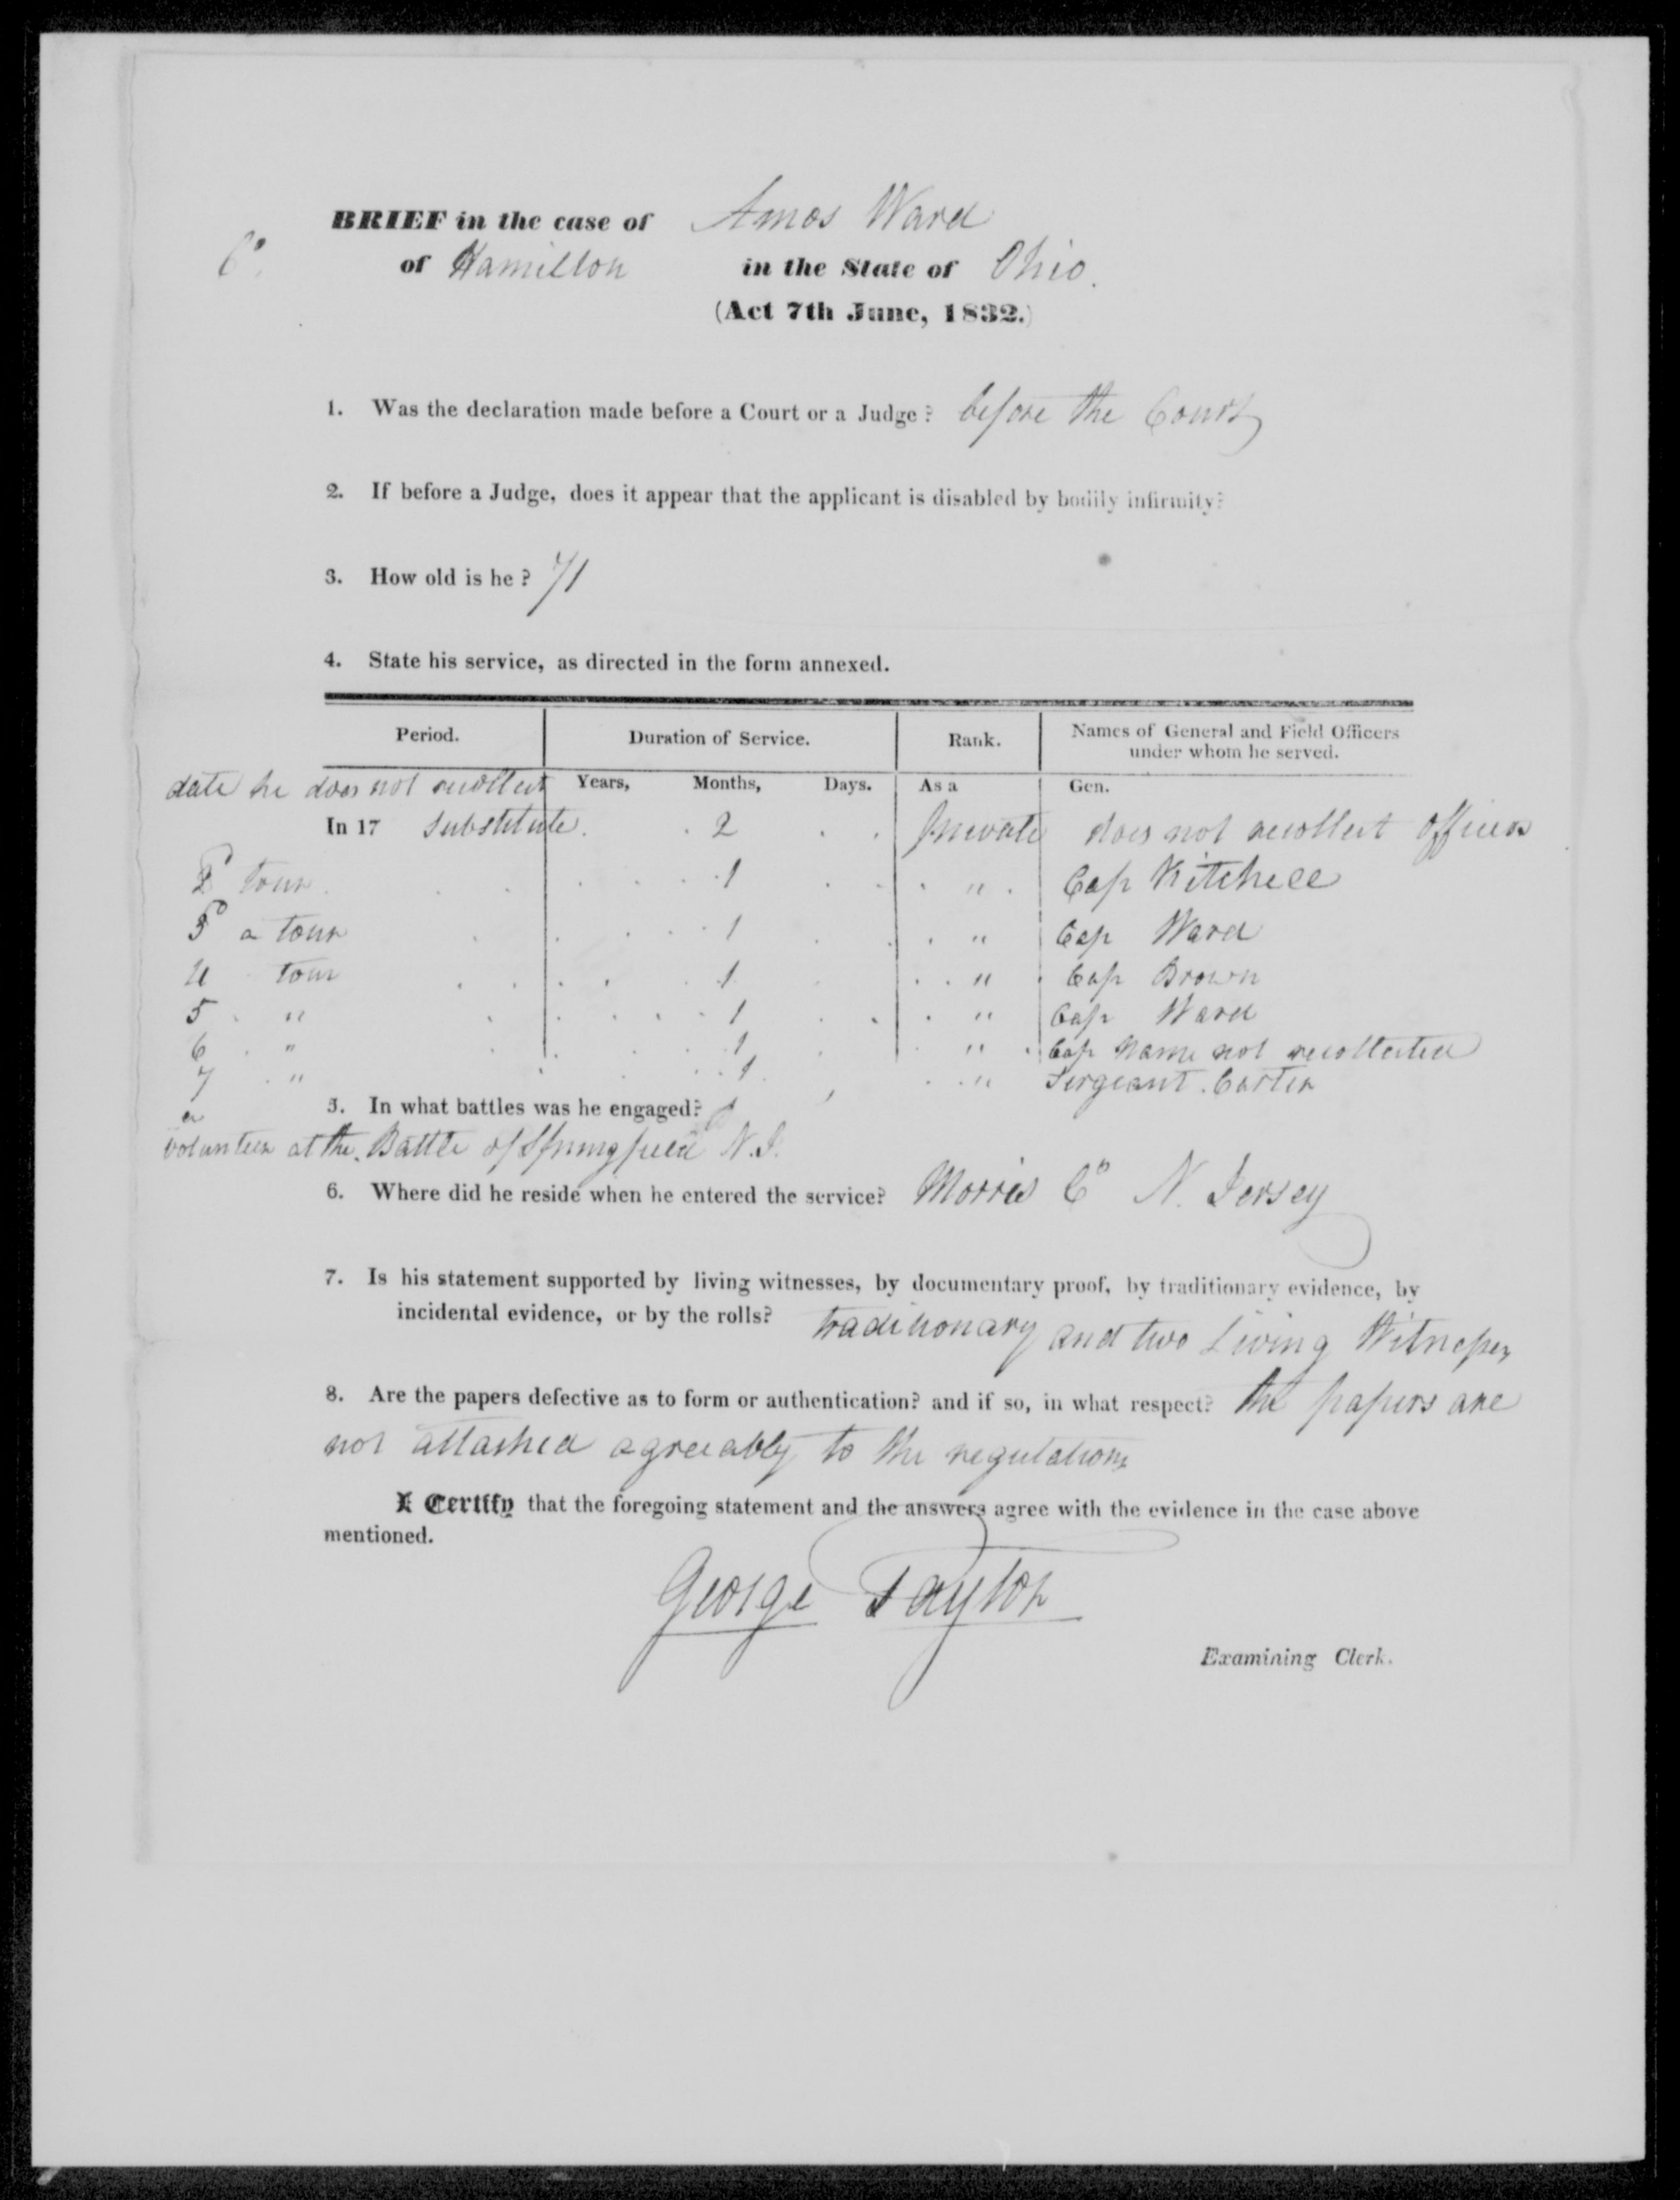BRIEF in the case of Amos Ward of Hamilton in the State of Ohio. 
(Act 7th June, 1832. 

1. Was the declaration made before a Court or a Judge? before the Court 

2. If before a Judge, does it appear that the applicant is disabled by bodily infirmity 

3. How old is he?  71

4. State his service, as directed in the form annexed. 

[Revolutionary War service presented in tabular form with the column headings, as follows:] 
Period. 
Duration of Service.
Rank.
Namers of General and Field Officers under whom he served.

Period.  date he does not recollect   Substitute.
Duration of Service.   2 Months
Rank.  Private
Namers of General and Field Officers under whom he served.  does not recollect officers

Period.   2d tour
Duration of Service.    1 Month
Rank.    Private
Namers of General and Field Officers under whom he served.    Cap Kitchell

Period.   3d tour
Duration of Service.    1 Month
Rank.    Private
Namers of General and Field Officers under whom he served.    Cap Ward

Period.   4 tour
Duration of Service.    1 Month
Rank.    Private
Namers of General and Field Officers under whom he served.    Cap Brown

Period.   5 tour
Duration of Service.    1 Month
Rank.    Private
Namers of General and Field Officers under whom he served.    Cap Ward

Period.   6 tour
Duration of Service.    1 Month
Rank.    Private
Namers of General and Field Officers under whom he served.    Cap name not recollected

Period.   7 tour
Duration of Service.    1 Month
Rank.    Private
Namers of General and Field Officers under whom he served.    Sergeant. Carter


5.  In what battles was he engaged? volunteer at the Battle of Springfield N. J. 

6.  Where did he reside when he entered the service? Morris Co. N. Jersey 

7.  Is his statement supported by living witnesses, by documentary proof, by traditionary evidence, by incidental evidence, or by the rolls? traditionary and two Living Witnesses 

8.  Are the papers defective as to form or authentication? and if so, in what respect? the papers are not attached agreeably to the regulations 

I Certify that the foregoing statement and the answers agree with the evidence in the case above mentioned 
George Taylor
Examining Clerk.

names: Kitchell, Carter, Ward, Amos Ward, George Taylor, Ward, Brown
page: 4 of 18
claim: survivor's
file: S. 4718, Amos Ward, New Jersey